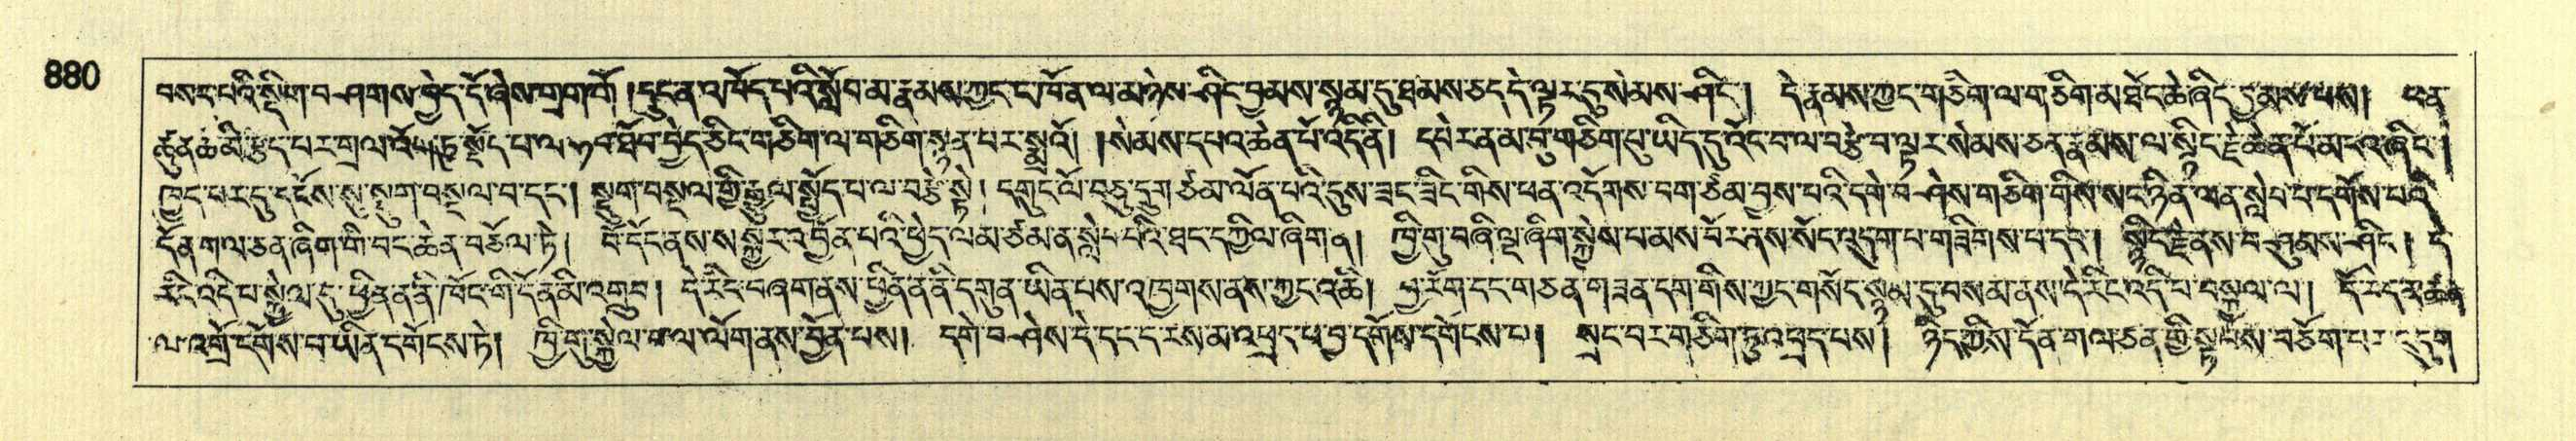བསད་པའི་སྡིག་བཤགས་བྱེད་དོ་ཞེས་གྲག་གོ །དྲུང་ན་འཁོད་པའི་སློབ་མ་རྣམས་ཀྱང་ང་ཁོ་ན་ལ་མཉེས་ཤིང་བྱམས་སྙམ་དུ་ཐམས་ཅད་དེ་ལྟར་དུ་སེམས་ཤིང་། དེ་རྣམས་ཀྱང་གཅིག་ལ་གཅིག་མཐོང་ཆེ་ཞིང་བྱམས་པས། ཕན་
ཚུན་ཚ་མི་རྩད་པར་གྲལ་འོག་ཏུ་སྡོད་པ་ལ་ཧབ་ཐོབ་བྱེད་ཅིང་གཅིག་ལ་གཅིག་སྙན་པར་སྨྲའོ། །སེམས་དཔའ་ཆེན་པོ་འདི་ནི། དཔེར་ན་མ་བུ་གཅིག་པུ་ཡིད་དུ་འོང་བ་ལ་བརྩེ་བ་ལྟར་སེམས་ཅན་རྣམས་ལ་སྙིང་རྗེ་ཆེན་པོ་མངའ་ཞིང་།
ཁྱད་པར་དུ་དངོས་སུ་སྡུག་བསྔལ་བ་དང་། སྡུག་བསྔལ་གྱི་རྒྱུ་ལ་སྤྱོད་པ་ལ་བརྩེ་སྟེ། དགུང་ལོ་བཅུ་དྲུག་ཙམ་ལོན་པའི་དུས་ཟང་ཟིང་གིས་ཕན་འདོགས་བག་ཙམ་བྱས་པའི་དགེ་བཤེས་གཅིག་གིས་སང་ཉིན་ལན་སླེབ་པ་དགོས་པའི་
དོན་གལ་ཅན་ཞིག་གི་བང་ཆེན་བཅོལ་ཏེ། བོ་དོང་ནས་ས་སྐྱར་འབྱོན་པའི་ཕྱེད་ལམ་ཙམ་ན་སླེབ་པའི་ཐང་དཀྱིལ་ཞིག་ན། ཁྱི་གུ་བཞི་ལྔ་ཞིག་སྐྱེས་པ་མས་བོར་ནས་སོང་འདུག་པ་གཟིགས་པ་དང་། སྙིང་རྗེ་ནས་བཤུམས་ཤིང་། དེ་
རིང་འདི་པ་སྐྱེལ་དུ་ཕྱིན་ན་ནི་ཁོང་གི་དོན་མི་འགྲུབ། དེ་རིང་བཞག་ནས་ཕྱིན་ན་ནི་དགུན་ཡིན་པས་འཁྱགས་ནས་ཀྱང་འཆི། བྱ་རོག་དང་གཅན་གཟན་དག་གིས་ཀྱང་གསོད་སྙམ་དུ་བསམ་ནས་དེ་རིང་འདི་པ་བསྐྱལ་ལ། དོ་རེད་མཚན་
ལ་འགྲོ་དགོས་པ་ཡིན་དགོངས་ཏེ། ཁྱི་གུ་སྐྱེལ་བ་ལ་ལོག་ནས་བྱོན་པས། དགེ་བཤེས་དེ་དང་ད་རས་མ་འཕྲད་བ་བྱ་དགོས་དགོངས་པ། སྲང་བར་གཅིག་ཏུ་འཕྲད་པས། ཉིད་ཀྱིས་དོན་གལ་ཅན་གྱི་སྟབས་བཅོག་པར་འདུག་